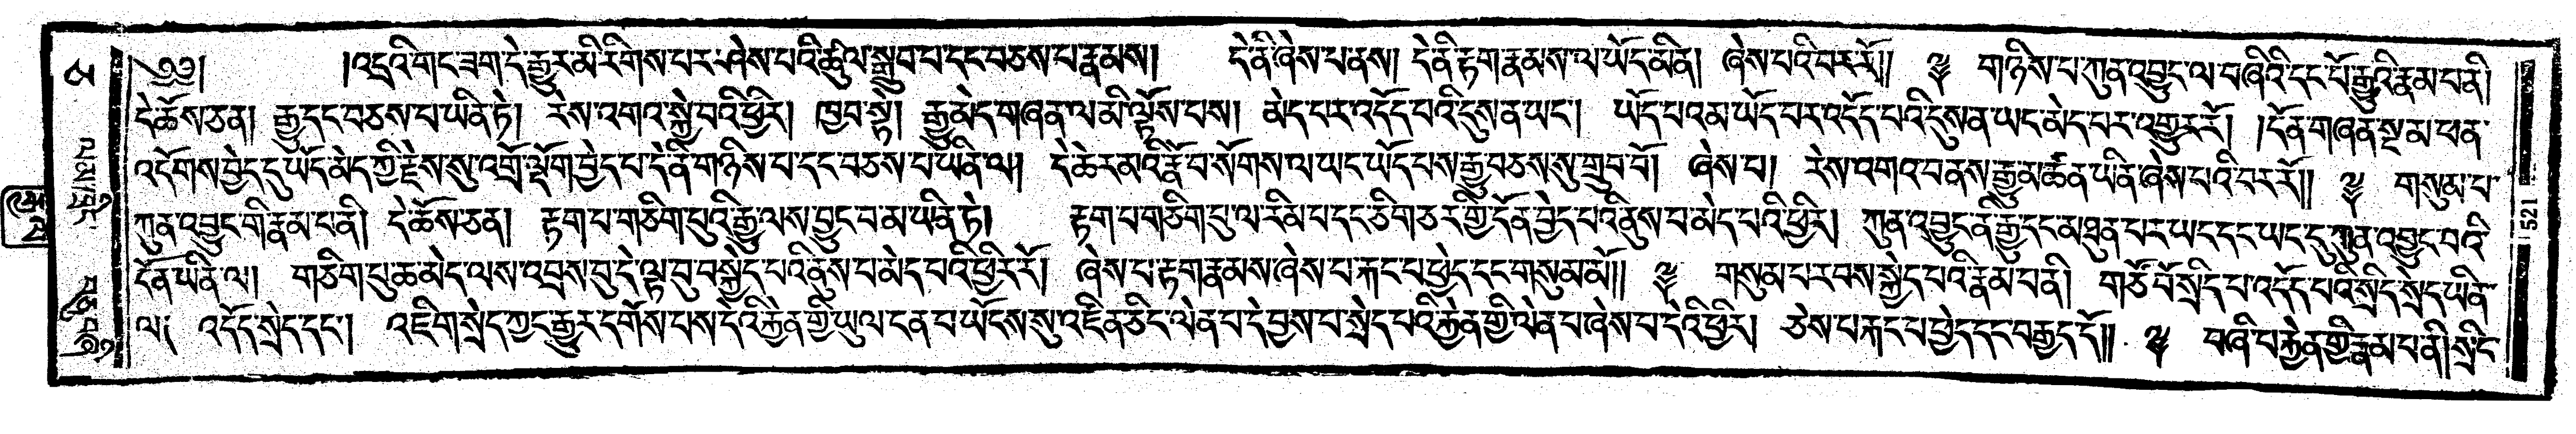༄༅། །འདྲའི་གང་ཟག་དེ་རྒྱུར་མི་རིགས་པར་ཤེས་པའི་ཚུལ་སྒྲུབ་པ་དང་བཅས་པ་རྣམས། དེ་ནི་ཞེས་པ་ནས། དེ་ནི་རྟག་རྣམས་ལ་ཡོད་མིན། ཞེས་པའི་བར་རོ།། ༈ གཉིས་པ་ཀུན་འབྱུང་ལ་བཞིའི་དང་པོ་རྒྱུའི་རྣམ་པ་ནི།
དེ་ཆོས་ཅན། རྒྱུ་དང་བཅས་པ་ཡིན་ཏེ། རེས་འགའ་སྐྱེ་བའི་ཕྱིར། ཁྱབ་སྟེ། རྒྱུ་མེད་གཞན་ལ་མི་ལྟོས་པས། མེད་པར་འདོད་པའི་དུས་ན་ཡང་། ཡོད་པའམ་ཡོད་པར་འདོད་པའི་དུས་ན་ཡང་མེད་པར་འགྱུར་རོ། །དོན་གཞན་སྔ་མ་ཕན་
འདོགས་བྱེད་དུ་ཡོད་མེད་ཀྱི་རྗེས་སུ་འགྲོ་ལྡོག་བྱེད་པ་དེ་ནི་གཉིས་པ་དང་བཅས་པ་ཡིན་ལ། དེ་ཆེར་མའི་རྣོ་བ་སོགས་ལ་ཡང་ཡོད་པས་རྒྱུ་བཅས་སུ་གྲུབ་བོ། ཞེས་པ། རེས་འགའ་བ་ནས་རྒྱུ་མཚན་ཡིན་ཞེས་པའི་བར་རོ།། ༈ གསུམ་པ་
ཀུན་འབྱུང་གི་རྣམ་པ་ནི། དེ་ཆོས་ཅན། རྟག་པ་གཅིག་བུའི་རྒྱུ་ལས་བྱུང་བ་མ་ཡིན་ཏེ། རྟག་པ་གཅིག་བུ་ལ་རིམ་པ་དང་ཅིག་ཅར་གྱི་དོན་བྱེད་པའི་ནུས་པ་མེད་པའི་ཕྱིར། ཀུན་འབྱུང་ནི་རྒྱུ་དང་མཐུན་པར་ཡང་དང་ཡང་དུ་ཀུན་འབྱུང་བའི་
དོན་ཡིན་ལ། གཅིག་པུ་ཆ་མེད་ལས་འབྲས་བུ་དེ་ལྟ་བུ་བསྐྱེད་པའི་ནུས་པ་མེད་པའི་ཕྱིར་རོ། ཞེས་པ་རྟག་རྣམས་ཞེས་པ་རྐང་པ་ཕྱེད་དང་གསུམ་མོ།། ༈ གསུམ་པ་རབས་སྐྱེད་པའི་རྣམ་པ་ནི། གཙོ་བོ་སྲིད་པ་འདོད་པའི་སྲིད་སྲེད་ཡིན་
ལ། འདོད་སྲེད་དང་། འཇིག་སྲེད་ཀྱང་རྒྱུར་དགོས་པས་དེའི་རྐྱེན་གྱི་ཡུལ་ངན་པ་ཡོངས་སུ་འཛིན་ཅིང་ལེན་པ་དེ་བྱས་པ་སྲེད་པའི་རྐྱེན་གྱི་ལེན་པ་ཞེས་པ་དེའི་ཕྱིར། ཅེས་པ་རྐང་པ་ཕྱེད་དང་བརྒྱད་དོ།། ༈ བཞི་པ་རྐྱེན་གྱི་རྣམ་པ་ནི། སྲིད་